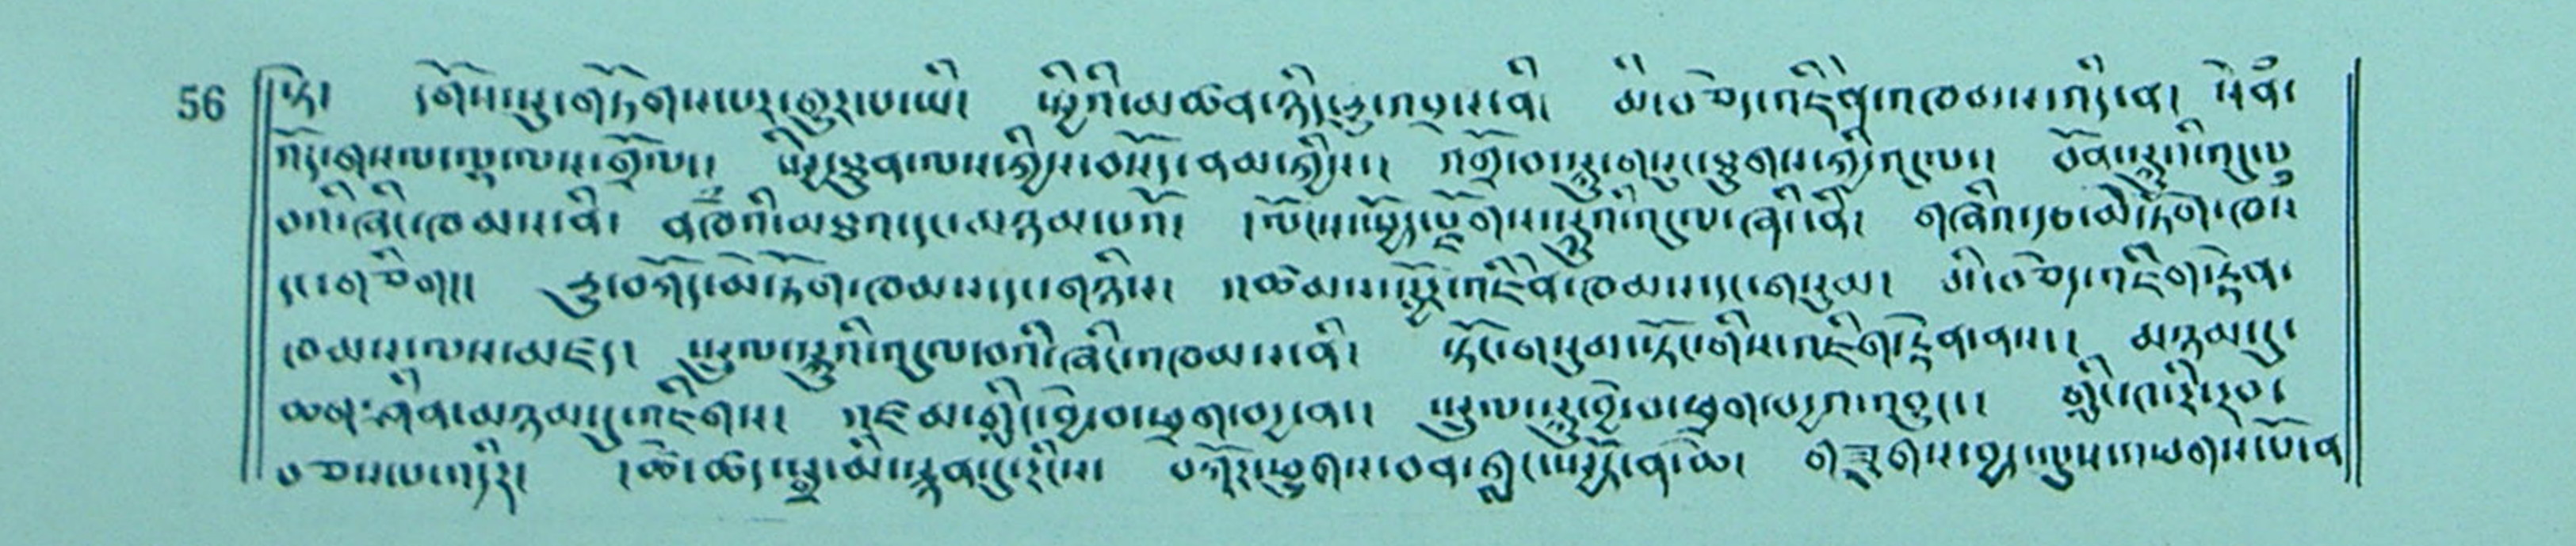༄༅། །སྟེ། སྒོས་སུ་གཏོགས་པར་གྱུར་བ་ཡི། སྤྱི་ཡི་མཚན་ཉིད་རྒྱུ་འབྲས་ནི། མི་བཅེད་འཇིག་རྟེན་ཁམས་འདི་ན། སེམས་ཅན་
འོད་གསལ་ལྷ་ལས་གྲོལ། སྤྱི་མཐུན་ལས་ཀྱི་བསོད་ནམས་ཀྱིས། འགྲོ་བ་སྐུ་གསུང་ཐུགས་ཀྱིས་འདུལ། བོན་སྐུའི་འདུལ་
བའི་ཞིང་ཁམས་ནི། ནམ་མཁའི་མཐའ་དང་མཉམ་པའོ། །ལོངས་སྤྱོད་རྫོགས་སྐུའི་འདུལ་ཞིང་ནི། གཞི་རྩ་མེ་ཏོག་ཁམས་
དང་གཅིག རྒྱུ་བཀོད་མེ་ཏོག་ཁམས་དང་གཉིས། འཚམས་སྦྱོར་འཇིག་རྟེན་ཁམས་དང་གསུམ། མི་བཅེད་འཇིག་རྟེན་
ཁམས་ལས་མཛད[བསམ་ལས་འདས]། སྤྲུལ་སྐུའི་འདུལ་བའི་ཞིང་ཁམས་ནི། སྟོང་གསུམ་སྟོང་གི་འཇིག་རྟེན་ནས། མཉམ་དུ་
ཆགས་ཤིང་མཉམ་དུ་འཇིག འཛམ་གླིང་བྱེ་བ་ཕྲག་བརྒྱ་ན། སྤྲུལ་སྐུ་བྱེ་བ་ཕྱག་བརྒྱ་འབྱུང་། གླིང་བཞི་རི་རབ་
བཅས་པ་འདིར། ཚེ་ཚད་སྒྲ་མི་སྙན་དུ་རིངས། བཀོར་ཕྱུགས་བ་གླང་སྤྱོད་ན་ཆེ། གཟུགས་བྱད་ལུས་འཕགས་པོ་ན་